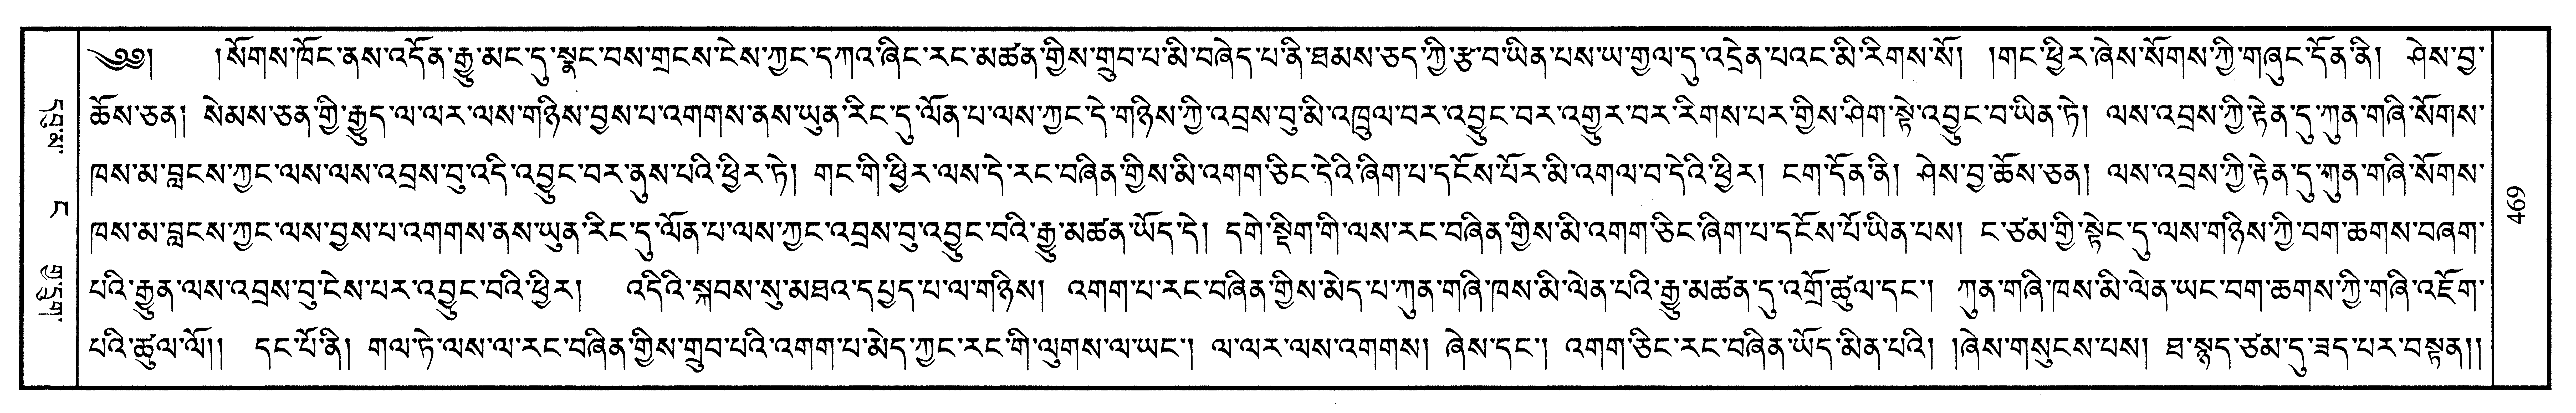༄༅། །སོགས་ཁོང་ནས་འདོན་རྒྱུ་མང་དུ་སྣང་བས་གྲངས་ངེས་ཀྱང་དཀའ་ཞིང་རང་མཚན་གྱིས་གྲུབ་པ་མི་བཞེད་པ་ནི་ཐམས་ཅད་ཀྱི་རྩ་བ་ཡིན་པས་ཡ་གྱལ་དུ་འདྲེན་པའང་མི་རིགས་སོ། །གང་ཕྱིར་ཞེས་སོགས་ཀྱི་གཞུང་དོན་ནི། ཤེས་བྱ་
ཆོས་ཅན། སེམས་ཅན་གྱི་རྒྱུད་ལ་ལར་ལས་གཉིས་བྱས་པ་འགགས་ནས་ཡུན་རིང་དུ་ལོན་པ་ལས་ཀྱང་དེ་གཉིས་ཀྱི་འབྲས་བུ་མི་འཁྲུལ་བར་འབྱུང་བར་འགྱུར་བར་རིགས་པར་གྱིས་ཤིག་སྟེ་འབྱུང་བ་ཡིན་ཏེ། ལས་འབྲས་ཀྱི་རྟེན་དུ་ཀུན་གཞི་སོགས་
ཁས་མ་བླངས་ཀྱང་ལས་ལས་འབྲས་བུ་འདི་འབྱུང་བར་ནུས་པའི་ཕྱིར་ཏེ། གང་གི་ཕྱིར་ལས་དེ་རང་བཞིན་གྱིས་མི་འགག་ཅིང་དེའི་ཞིག་པ་དངོས་པོར་མི་འགལ་བ་དེའི་ཕྱིར། ངག་དོན་ནི། ཤེས་བྱ་ཆོས་ཅན། ལས་འབྲས་ཀྱི་རྟེན་དུ་ཀུན་གཞི་སོགས་
ཁས་མ་བླངས་ཀྱང་ལས་བྱས་པ་འགགས་ནས་ཡུན་རིང་དུ་ལོན་པ་ལས་ཀྱང་འབྲས་བུ་འབྱུང་བའི་རྒྱུ་མཚན་ཡོད་དེ། དགེ་སྡིག་གི་ལས་རང་བཞིན་གྱིས་མི་འགག་ཅིང་ཞིག་པ་དངོས་པོ་ཡིན་པས། ང་ཙམ་གྱི་སྟེང་དུ་ལས་གཉིས་ཀྱི་བག་ཆགས་བཞག་
པའི་རྒྱུན་ལས་འབྲས་བུ་ངེས་པར་འབྱུང་བའི་ཕྱིར། འདིའི་སྐབས་སུ་མཐའ་དཔྱད་པ་ལ་གཉིས། འགག་པ་རང་བཞིན་གྱིས་མེད་པ་ཀུན་གཞི་ཁས་མི་ལེན་པའི་རྒྱུ་མཚན་དུ་འགྲོ་ཚུལ་དང་། ཀུན་གཞི་ཁས་མི་ལེན་ཡང་བག་ཆགས་ཀྱི་གཞི་འཇོག་
པའི་ཚུལ་ལོ།། དང་པོ་ནི། གལ་ཏེ་ལས་ལ་རང་བཞིན་གྱིས་གྲུབ་པའི་འགག་པ་མེད་ཀྱང་རང་གི་ལུགས་ལ་ཡང་། ལ་ལར་ལས་འགགས། ཞེས་དང་། འགག་ཅིང་རང་བཞིན་ཡོད་མིན་པའི། །ཞེས་གསུངས་པས། ཐ་སྙད་ཙམ་དུ་ཟད་པར་བསྟན།།